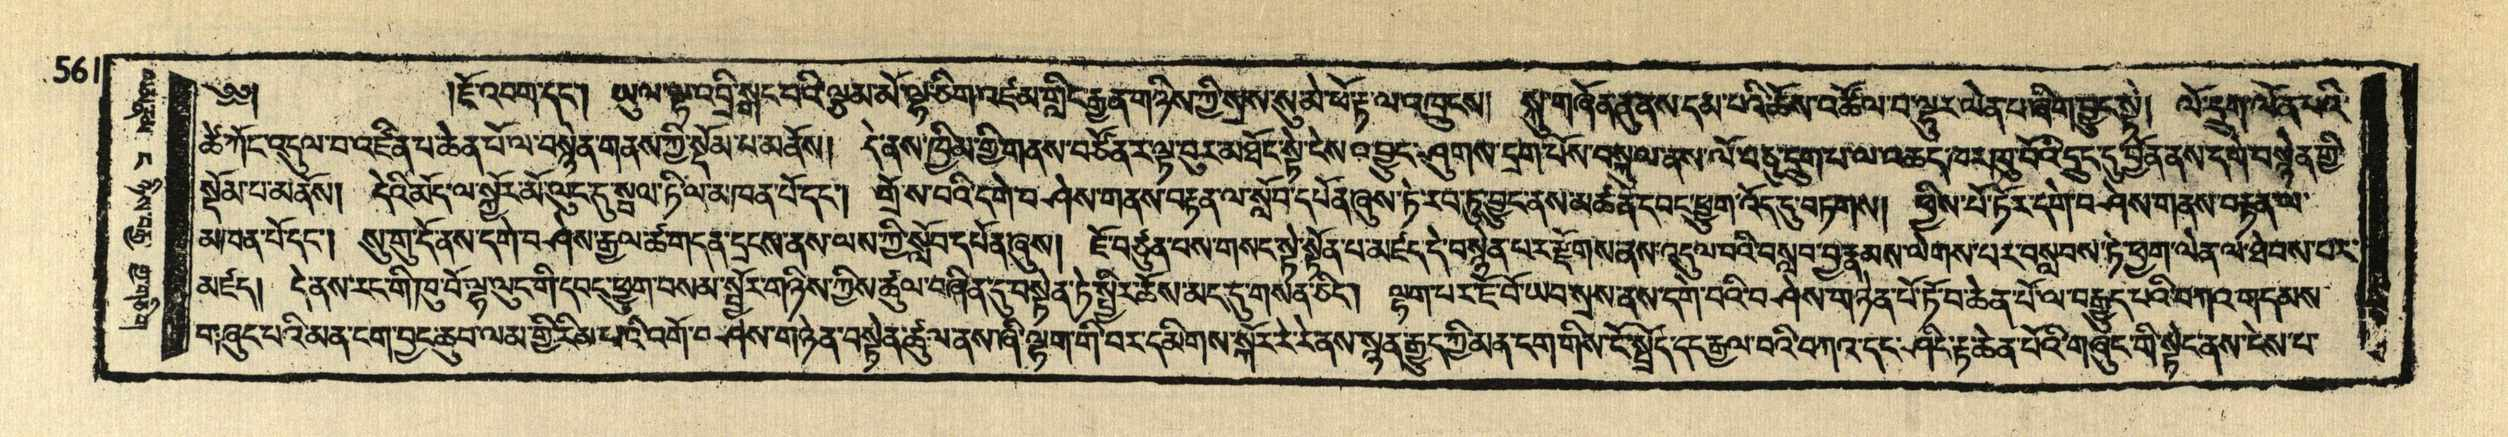༄༅། །ཇོ་འབག་དང་། ཡུལ་ལྷ་འབྲི་སྒང་བའི་ལྕམ་མོ་ལྷ་ཅིག་འཛམ་གླིང་རྒྱན་གཉིས་ཀྱི་སྲས་སུ་མེ་ཕོ་རྟ་ལ་འཁྲུངས། སྐུ་གཞོན་ནུ་ནས་དམ་པའི་ཆོས་འཚོལ་བ་ལྷུར་ལེན་པ་ཞིག་བྱུང་སྟེ། ལོ་དྲུག་ལོན་པའི་
ཚེ་ཀོང་འདུལ་བ་འཛིན་པ་ཆེན་པོ་ལ་བསྙེན་གནས་ཀྱི་སྡོམ་པ་མ་ནོས། དེ་ནས་ཁྱིམ་གྱི་གནས་བཙོན་ར་ལྟ་བུར་མཐོང་སྟེ་ངེས་འབྱུང་ཤུགས་དྲག་པོས་བསྐུལ་ནས་ལོ་བཅུ་དྲུག་པ་ལ་འཆར་ཁར་ཁུ་བོའི་དྲུང་དུ་བྱོན་ནས་དགེ་བསྙེན་གྱི་
སྡོམ་པ་མ་ནོས། དེའི་མོད་ལ་སྐྱོར་མོ་ལུང་དུ་སྤལ་ཏི་ལ་མཁན་པོ་དང་། གྲོས་བའི་དགེ་བཤེས་གནས་བརྟན་ལ་སློབ་དཔོན་ཞུས་ཏེ་རབ་ཏུ་བྱུང་ནས་མཚན་དབང་ཕྱུག་འོད་དུ་བཏགས། ཕྱིས་པོ་ཏོར་དགེ་བཤེས་གནས་བརྟན་ལ་
མཁན་པོ་དང་། སུ་གུ་དོ་ནས་དགེ་བཤེས་རྒྱལ་ཚ་གདན་དྲངས་ནས་ལས་ཀྱི་སློབ་དཔོན་ཞུས། ཇོ་བཙུན་པས་གསང་སྟེ་སྟོན་པ་མཛད་དེ་བསྙེན་པར་རྫོགས་ནས་འདུལ་བའི་བསླབ་བྱ་རྣམས་ལེགས་པར་བསླབས་ཏེ་ཕྱག་ལེན་ལ་ཐེབས་པར་
མཛད། དེ་ནས་རང་གི་ཁུ་བོ་ལྷ་ལུང་གི་དབང་ཕྱུག་བསམ་སྦྱོར་གཉིས་ཀྱིས་ཚུལ་བཞིན་དུ་བསྟེན་ཏེ་སྤྱིར་ཆོས་མང་དུ་གསན་ཅིང་། ལྷག་པར་ཇོ་བོ་ཡབ་སྲས་ནས་དགེ་བའི་བཤེས་གཉེན་པོ་ཏོ་བ་ཆེན་པོ་ལ་བརྒྱུད་པའི་བཀའ་གདམས་
གཞུང་པའི་མན་ངག་བྱང་ཆུབ་ལམ་གྱི་རིམ་པའི་འོག་བཤེས་གཉེན་བསྟེན་ཚུལ་ནས་ཞི་ལྷག་གི་བར་དམིགས་སྐོར་རེ་རེ་ནས་སྙན་རྒྱུད་ཀྱི་མན་ངག་གིས་ངོ་སྤྲོད་དང་རྒྱལ་བའི་བཀའ་དང་ཤིང་རྟ་ཆེན་པོའི་གཞུང་གི་སྟེང་ནས་ངེས་པ་